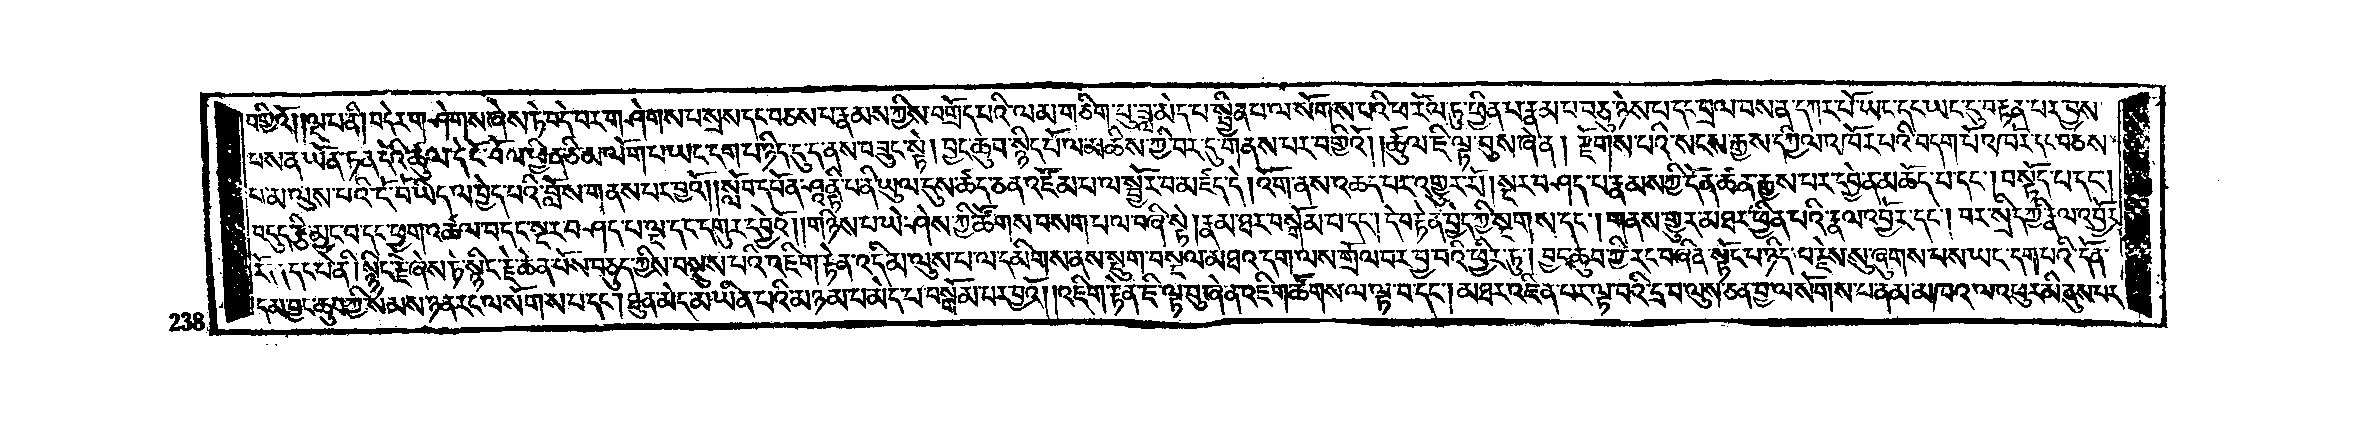བགྱིའོ། །ལྔ་པ་ནི། བདེར་གཤེགས་ཞེས་ཏེ་བདེ་བར་གཤེགས་པ་སྲས་དང་བཅས་པ་རྣམས་ཀྱིས་བགྲོད་པའི་ལམ་གཅིག་པུ་ཟླ་མེད་པ་སྦྱིན་པ་ལ་སོགས་པའི་ཕ་རོལ་ཏུ་ཕྱིན་པ་རྣམ་པ་བཅུ་ཉེས་པ་དང་བྲལ་བས་ན་དཀར་པོ་ཡང་དང་ཡང་དུ་བརྟན་པར་བྱས་
པས་ན་ཡོན་ཏན་དེའི་ཚུལ་དེ་ངོ་བོ་ལ་ཕྱིན་ཅི་མ་ལོག་པ་ཡང་དག་པ་ཉིད་དུ་ད་ནས་བཟུང་སྟེ། བྱང་ཆུབ་སྙིང་པོ་ལ་མཆིས་ཀྱི་བར་དུ་གནས་པར་བགྱིའོ། །ཚུལ་ཇི་ལྟ་བུས་ཞེ་ན། རྫོགས་པའི་སངས་རྒྱས་དཀྱིལ་འཁོར་པའི་བདག་པོ་འཁོར་དང་བཅས་
པ་མ་ལུས་པའི་ངོ་བོ་ཡིད་ལ་བྱེད་པའི་བློས་གནས་པར་བྱའོ། །སློབ་དཔོན་ཤཱནཏི་པ་ནི་ཡུལ་དུས་ཚད་ཅན་འཛོམ་པ་ལ་སྦྱོར་བ་མཛད་དེ། འོག་ནས་འཆད་པར་འགྱུར་རོ། །སྔར་བཤད་པ་རྣམས་ཀྱི་དོན་ཚན་རྒྱས་པར་དབྱེ་ན་མཆོད་པ་དང་། བསྟོད་པ་དང་།
བདུད་རྩི་མྱང་བ་དང་ཕྱག་འཚལ་བ་དང་སྔར་བཤད་པ་ལྔ་དང་དགུར་དབྱེའོ། །གཉིས་པ་ཡེ་ཤེས་ཀྱི་ཚོགས་བསག་པ་ལ་བཞི་སྟེ། རྣམ་ཐར་བསྒོམ་པ་དང་། དེ་བརྟེན་བྱེད་ཀྱི་སྔགས་དང་། གནས་གྱུར་མཐར་ཕྱིན་པའི་རྣལ་འབྱོར་དང་། བར་སྲིད་ཀྱི་རྣལ་འབྱོར་
རོ། །དང་པོ་ནི། སྙིང་རྗེ་ཞེས་ཏེ་སྙིང་རྗེ་ཆེན་པོས་བཅུད་ཀྱིས་བསྡུས་པའི་འཇིག་རྟེན་འདི་མ་ལུས་པ་ལ་དམིགས་ནས་སྡུག་བསྔལ་མཐའ་དག་ལས་གྲོལ་བར་བྱ་བའི་ཕྱིར་ཏུ། བྱང་ཆུབ་ཀྱི་རང་བཞིན་སྟོང་པ་ཉིད་པ་རྗེས་སུ་ཞུགས་པས་ཡང་དག་པའི་དོན་
དམ་བྱང་ཆུབ་ཀྱི་སེམས་ཉན་རང་ལ་སོགས་པ་དང་། ཐུན་མོང་མ་ཡིན་པའི་མཉམ་པ་མེད་པ་བསྒོམ་པར་བྱའོ། །འཇིག་རྟེན་ཇི་ལྟ་བུ་ཞེ་ན་འཇིག་ཚོགས་ལ་ལྟ་བ་དང་། མཐར་འཛིན་པར་ལྟ་བའི་དྲ་བ་ལུས་ཅན་བྱ་ལ་སོགས་པ་ནམ་མཁའ་ལ་འཕུར་མི་ནུས་པར་